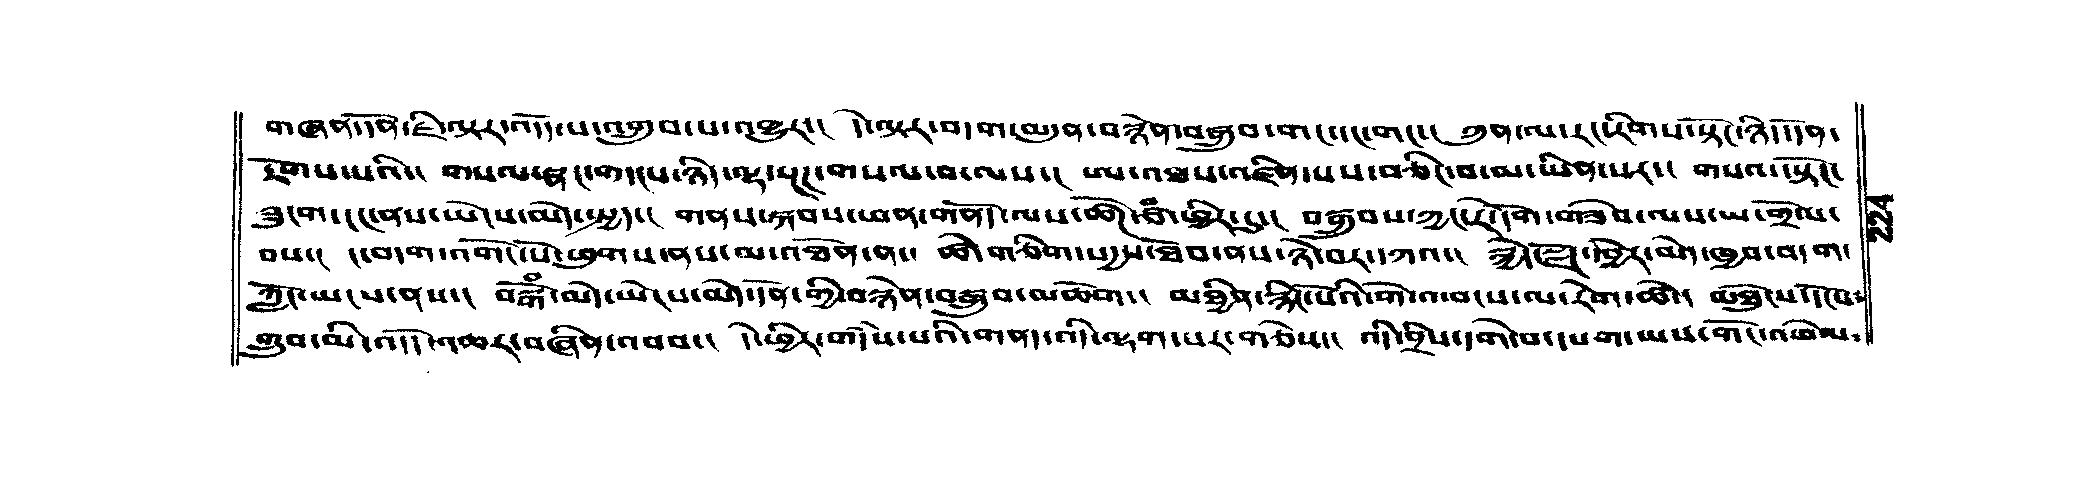གཞན་དོན་ཇི་ལྟར་འདོད་པ་འགྲུབ་པ་འགྱུར། དེ་ལྟར་བདག་མདུན་བསྙེན་བསྒྲུབ་གང་དང་གང་། ཀུན་ལ་རང་རིགས་སྟོང་ཉིད་དོན་
རྟོགས་པའི། གསལ་སྣང་གདངས་ཉིད་ལྷ་སྔགས་གསལ་བ་ལས། ཨ་འཐས་འཛིན་པས་བཅིང་བ་མ་ཡིན་པར། གསལ་སྟོང་
ཟུང་ངག་ངང་ནས་ཡོངས་མེད་སྤྱད། གནས་སྐབས་ཕན་གནོད་ལས་ཚོགས་ཙམ་ཕྱིར་དུ། བསྒྲུབས་ཀྱང་རེ་དོག་གཟེབ་ལས་ཡ་གྲོལ་
བས། ང་བདག་འགོང་པོ་ཕུགས་ནས་མ་འཐོན་ན། ཚེ་གཅིག་སངས་རྒྱས་ཐོབ་ནས་ཉེ་བར་དཀའ། སྐྱེད་རྫོགས་དབྱེར་མེད་ཁྱབ་བདག་
ཀློང་ཡངས་ནས། བསྒོམ་མེད་ཡེངས་མེད་དོན་གྱི་བསྙེན་བསྒྲུབ་མཆོག མཐུན་རྐྱེན་སྙིང་པོའི་གོ་འཕང་ལ་རེག་ཚེ། མཐུན་མོངས་དངོས་
གྲུབ་མི་འདོད་འཆར་བཞིན་འབབ། དེ་ཕྱིར་གདམས་པའི་གནད་འདི་ལྷག་པར་གཅེས། འདི་བྲིས་དགེ་བ་དཔག་ཡས་གོང་འཕེལ་